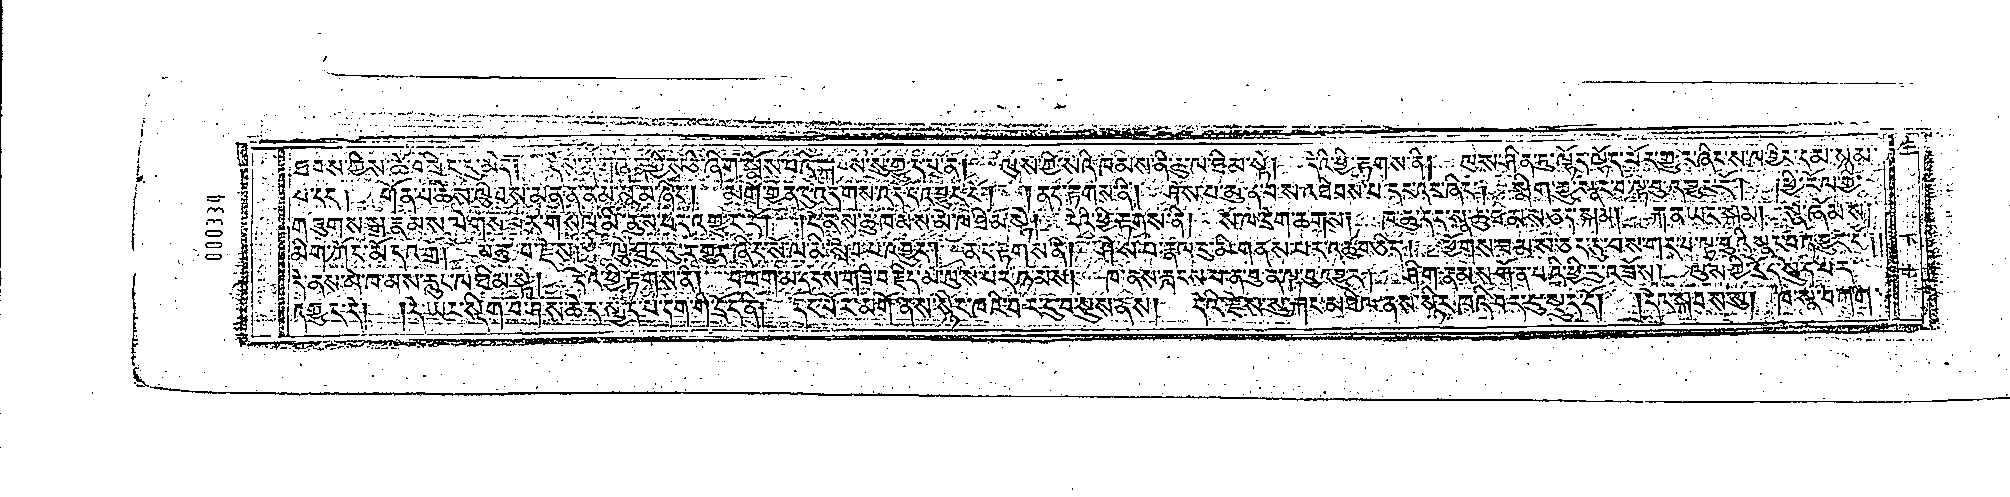ཐབས་ཀྱིས་ཚེ་བསྲིང་དུ་མེད། དེས་ན་གཞན་གྱིས་ཅི་ཞིག་སྨོས་པའི་སྐབས་སུ་གྱུར་པ་ན། ལུས་ཀྱི་སའི་ཁམས་ནི་ཆུ་ལ་ཐིམ་སྟེ། དེའི་ཕྱི་རྟགས་ནི། ལུས་ཤིན་ཏུ་ལྷོད་ལྷོད་པོར་གྱུར་ཞིང་ས་ལ་བྱིང་དམ་སྙམ་
པ་དང་། གོན་པ་ཆེས་ལྕིབས་མནན་ནམ་སྙམ་ཞིང་། མགོ་གྱེན་དུ་འདགས་འདོད་འབྱུང་ངོ། །ནང་རྟགས་ནི། ཤེས་པ་མུན་པས་འཐིབས་པ་དང་འདྲ་ཞིང་། སྨིག་རྒྱུ་སྣང་བ་ལྟ་བུ་འབྱུང་ངོ། །ཕྱི་རོལ་གྱི་
གཟུགས་སྒྲ་རྣམས་ལེགས་པར་གསལ་མི་ནུས་པར་འགྱུར་རོ། །དེ་ནས་ཆུ་ཁམས་མེ་ལ་ཐིམ་སྟེ། དེའི་ཕྱི་རྟགས་ནི། སོ་ལ་དྲེག་ཆགས། ཁ་ཆུ་དང་སྣ་ཆུ་ཐམས་ཅད་སྐམ། རྐན་ཡང་སྐམ། སྣ་ཞོམས།
མིག་ཀོང་མོར་འགྲོ། མཆུ་བ་རྫེས། ལྕེ་ཐུང་དུར་གྱུར་ཞིང་སོ་ལ་མི་སླེབ་པ་འབྱུང་། ནང་རྟགས་ནི། ཤེས་པ་རྣལ་དུ་མི་གནས་པར་འཚུབ་ཅིང་། ཕྱོགས་ཐམས་ཅད་དུ་བས་གང་པ་ལྟ་བུའི་སྣང་བ་འབྱུང་ངོ། །
དེ་ནས་མེ་ཁམས་རླུང་ལ་ཐིམ་སྟེ། དེའི་ཕྱི་རྟགས་ནི། བཀྲག་མདངས་གཟི་བརྗིད་མ་ལུས་པར་ཉམས། ཁ་ནས་རླངས་པ་ན་བུན་ལྟ་བུ་འབྱུང་། ཤིག་རྣམས་གོན་པའི་ཕྱི་རུ་འབྲོས། ལུས་ཀྱི་དྲོད་སྡུད་པར་
འགྱུར་དེ། །དེ་ཡང་སྡིག་པ་ཤས་ཆེར་སྤྱད་པ་དག་གི་དྲོད་ནི། དང་པོར་མགོ་ནས་སྙིང་ཁའི་བར་དུ་བསྡུས་ནས། དེའི་རྗེས་སུ་རྐང་མཐིལ་ནས་སྙིང་ཁའི་བར་དུ་སྡུད་དོ། །དེའི་སྐབས་སུ། ཁ་སྣ་བཀག་